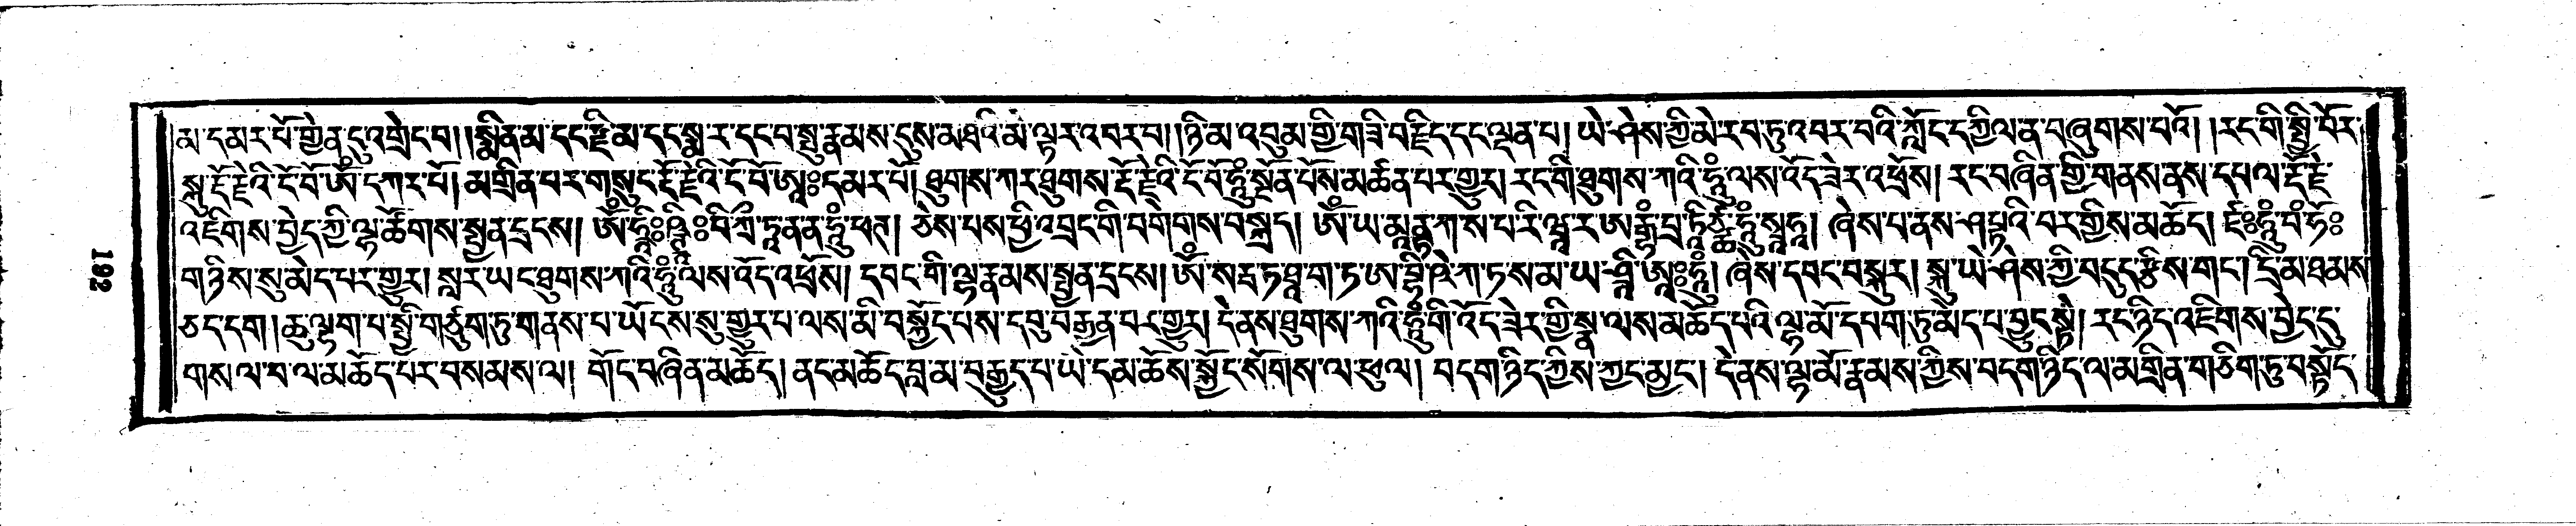མ་དམར་པོ་གྱེན་དུ་འགྲེང་བ། །སྨིན་མ་དང་རྫི་མ་དང་སྨ་ར་དང་བ་སྤུ་རྣམས་དུས་མཐའི་མེ་ལྟར་འབར་བ། །ཉི་མ་འབུམ་གྱི་གཟི་བརྗིད་དང་ལྡན་པ། ཡེ་ཤེས་ཀྱི་མེ་རབ་ཏུ་འབར་བའི་ཀློང་དཀྱིལ་ན་བཞུགས་པའོ། །རང་གི་སྤྱི་བོར་
སྐུ་རྡོ་རྗེའི་ངོ་བོ་ཨོཾ་དཀར་པོ། མགྲིན་པར་གསུང་རྡོ་རྗེའི་ངོ་བོ་ཨཱཿ དམར་པོ། ཐུགས་ཀར་ཐུགས་རྡོ་རྗེའི་ངོ་བོ་ཧཱུཾ་སྔོན་པོས་མཚན་པར་གྱུར། རང་གི་ཐུགས་ཀའི་ཧཱུཾ་ལས་འོད་ཟེར་འཕྲོས། རང་བཞིན་གྱི་གནས་ནས་དཔལ་རྡོ་རྗེ་
འཇིགས་བྱེད་ཀྱི་ལྷ་ཚོགས་སྤྱན་དྲངས། ཨོཾ་ཧྲཱིཿ ཥྚྲཱིཿ བི་ཀྲྀ་ཏཱ་ན་ན་ཧཱུཾ་ཕཊ། ཅེས་པས་ཕྱི་འབྲང་གི་བགེགས་བསྐྲད། ཨོཾ་ཡ་མཱནྟ་ཀ་ས་པ་རི་ཝཱ་ར་ཨརྒྷཾ་པྲ་ཏཱི་ཙྪ་ཧཱུཾ་སྭཱཧཱ། ཞེས་པ་ནས་ཤཔྟའི་བར་གྱིས་མཆོད། ཛཿ ཧཱུཾ་བཾ་ཧོཿ
གཉིས་སུ་མེད་པར་གྱུར། སླར་ཡང་ཐུགས་ཀའི་ཧཱུཾ་ལས་འོད་འཕྲོས། དབང་གི་ལྷ་རྣམས་སྤྱན་དྲངས། ཨོཾ་སརྦ་ཏ་ཐཱ་ག་ཏ་ཨ་བྷི་ཥེ་ཀ་ཏ་ས་མ་ཡ་ཤྲཱི་ཨཱཿ ཧཱུཾ། ཞེས་དབང་བསྐུར། སྐུ་ཡེ་ཤེས་ཀྱི་བདུད་རྩིས་གང་། དྲི་མ་ཐམས་
ཅད་དག །ཆུ་ལྷག་པ་སྤྱི་གཙུག་ཏུ་གནས་པ་ཡོངས་སུ་གྱུར་པ་ལས་མི་བསྐྱོད་པས་དབུ་བརྒྱན་པར་གྱུར། དེ་ནས་ཐུགས་ཀའི་ཧཱུཾ་གི་འོད་ཟེར་གྱི་སྣ་ལས་མཆོད་པའི་ལྷ་མོ་དཔག་ཏུ་མེད་པ་བྱུང་སྟེ། རང་ཉིད་འཇིགས་བྱེད་དུ་
གསལ་བ་ལ་མཆོད་པར་བསམས་ལ། གོང་བཞིན་མཆོད། ནང་མཆོད་བླ་མ་བརྒྱུད་པ་ཡི་དམ་ཆོས་སྐྱོང་སོགས་ལ་ཕུལ། བདག་ཉིད་ཀྱིས་ཀྱང་མྱང་། དེ་ནས་ལྷ་མོ་རྣམས་ཀྱིས་བདག་ཉིད་ལ་མགྲིན་གཅིག་ཏུ་བསྟོད་